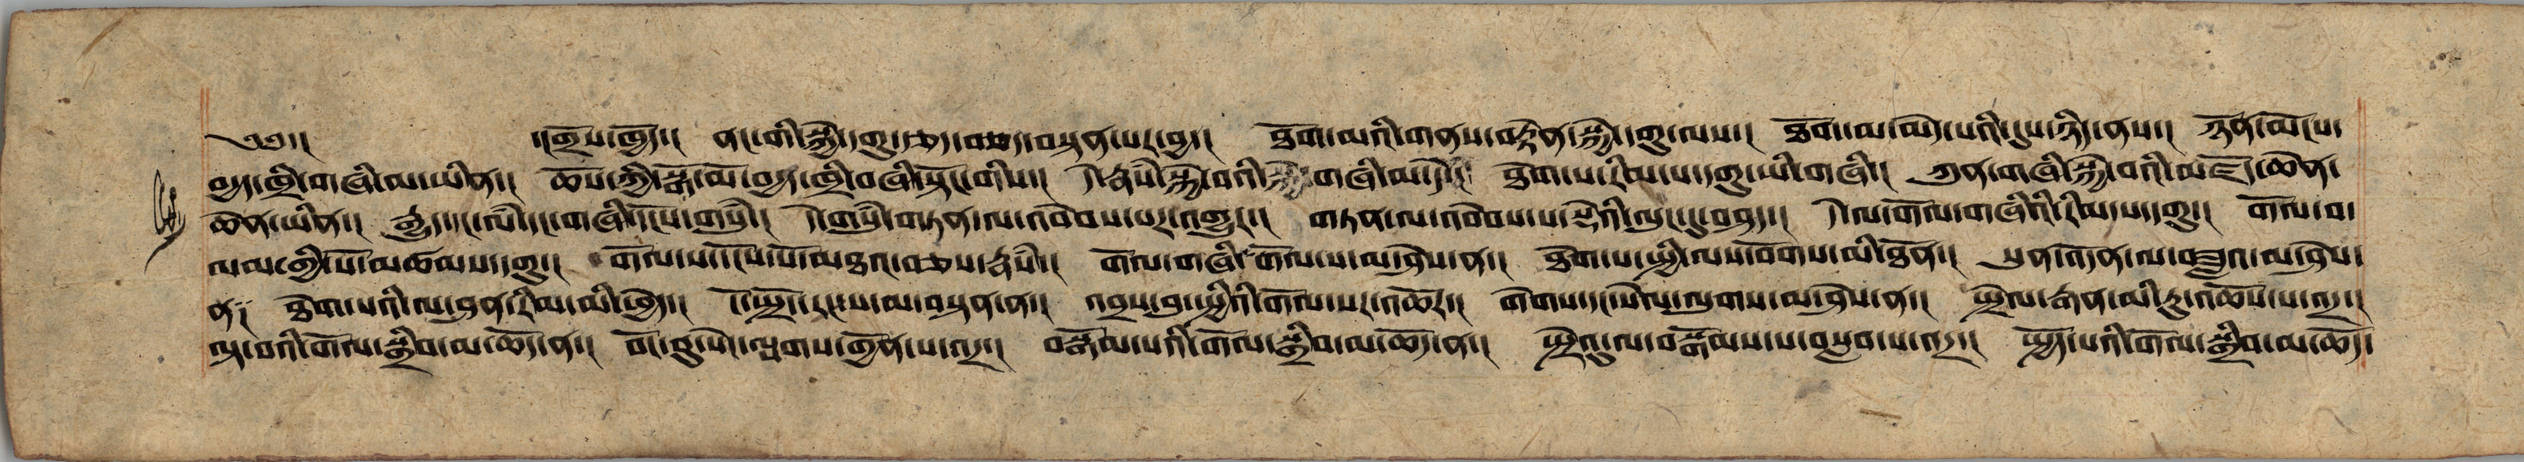༄༅་། ་།གྲོས་ཁྱོད་། ནང་གི་སྐྱེ་དགུ་རྩད་བཅད་བསྟན་པར་བྱ་། ཐོག་མའི་གནས་བརྟེན་སྐྱེ་དགུ་ལས་། ཐོག་མ་མེད་པའི་དུས་ཉིད་ནས་། ཉོན་མོངས་
བདྱད་ཁྲི་གཞི་མ་ཡིན་། ཆོས་ཀྱི་སྒོ་མོ་བདྱད་ཁྲི་བཞི་སྟོང་གིས་། དེ་རྣཾས་སྐྱེ་བའི་སྐྱེ་གཞི་མ་དེ་། ཐེག་པ་རིམ་པ་དགུ་ཡི་གཞི་། ཀུན་གཞི་སྐྱེ་བའི་མཛོད་ཆེན་
ཆེན་ཡིན་། རྒྱུད་དང་ལཾ་དང་གཞི་དངོས་གསུཾ་། དེ་གསུཾ་གཏན་ལ་འབེབས་པར་འགྱུར་། གཏན་ལ་འབེབས་པ་སྡེའི་ལུང་དུ་བཤད་། དེ་ལ་གོལ་གཞིའི་རིམ་པ་དགུ་། གོལ་བ་
ལམ་གྱི་སོ་མཚམས་དགུ་། གོལ་ས་དངོས་པོ་མཐའ་བཅས་རྣཾས་། གོལ་གཞི་གོལ་ས་མ་ཤེས་ན་། ཐེག་པ་སྤྱི་ལས་བོགས་མི་ཐོན་། སུན་འདོན་ལ་བཟླའ་མ་ཤེས་
ན༑ ཐེག་པའི་ལ་ཤན་རིམ་མི་ཕྱེད་། ངོ་སྤྲོད་རང་ས་མ་བསྟན་ན་། འབྲས་བུ་སྤྱིའི་གོལ་སར་འཆོར་། གེགས་དང་སེལ་ལུགས་མ་ཤེས་ན་། སྤྲེལ་རྒན་མི་རུ་འཆོས་པ་འདྲ་།
ལྟ་བའི་གོལ་སྒྲིབ་མ་ཆོད་ན་། བོང་བུ་སེང་ལྤགས་གྱོན་པ་འདྲ་། བསྒོམ་པའི་གོལ་སྒྲིབ་མ་ཆོད་ན་། སྤྲེའུ་ལ་བསྒོམས་པ་བསླབ་པ་འདྲ་། སྤྱོད་པའི་གོལ་སྒྲིབ་མ་ཆོད་